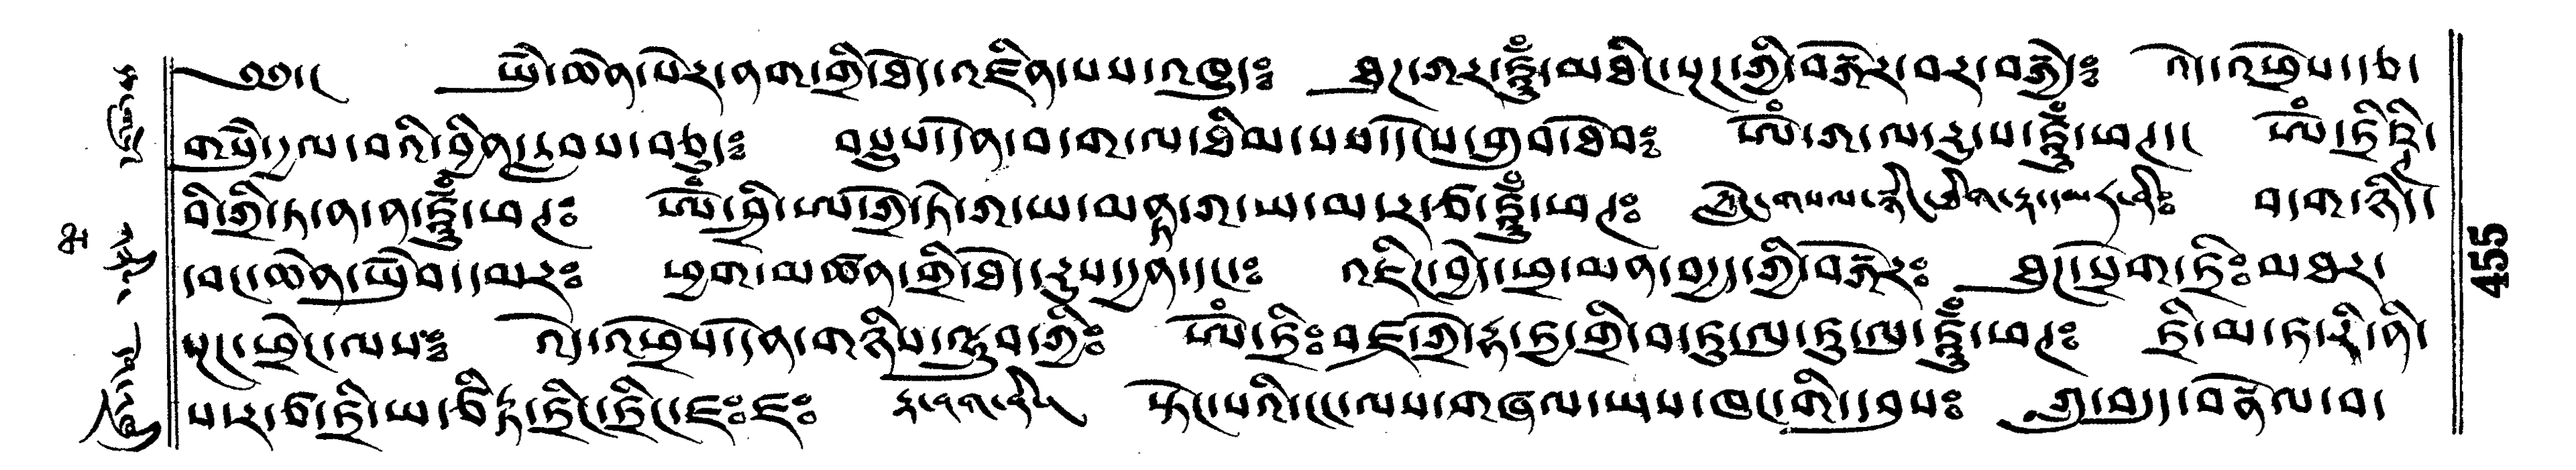ཡུམ་ཆེན་སོར་ནག་གྲི་ཐོད་འཛིན་པས་འཁྱུད༔ ཐུགས་ཀར་ཧཱུྃ་མཐིང་སྔགས་ཀྱི་བསྐོར་བར་བསྐྱེད༔ འོད་འཕྲོས་རྩ་
གསུམ་རྒྱལ་བའི་བྱིན་རླབས་བཅུད༔ བསྡུས་དེ་བདག་ལ་ཐིམ་པས་དངོས་གྲུབ་ཐོབ༔ ཨོཾ་ཀ་ལ་རུ་པ་ཧཱུྃ་ཕཊཿ ཨོཾ་ཧྲིཥྚི་
བི་ཀྲི་ཏ་ན་ན་ཧཱུྃ་ཕཊཿ ཨོཾ་ཤྲཱི་ཨ་ཀྲོ་ཏེ་ཀ་ཡ་མནྟ་ཀ་ཡ་མ་ར་ཙ་ཧཱུྃ་ཕཊཿ ཀློང་གསལ་སྙིང་ཐིག་རྟ་དམར་ནི། བདག་ཉིད་
དབང་ཆེན་ཡབ་ཡུམ་དམར༔ ཕྱག་མཚན་གྲི་ཐོད་རུས་རྒྱན་དང༔ འཇིགས་བྱེད་ཕྲ་མན་བརྒྱད་ཀྱིས་བསྐོར༔ ཐུགས་སྲོག་ཧྲིཿམཐར་
སྔགས་ཕྲེང་ལས༔ འོད་འཕྲོས་དོན་གཉིས་ལྷུན་གྲུབ་ཀྱི༔ ཨོཾ་ཧྲིཿབཛྲ་ཀྲོ་དྷ་ཧྱ་གྲི་བ་ཧུ་ལུ་ཧུ་ལུ་ཧཱུྃ་ཕཊཿ ཧྲི་མ་ཧ་རི་ནི་
ས་ར་ཙ་ཧྲི་ཡ་ཙིཏྟ་ཧྲིང་ཧྲིང་ཛཿཛཿ རྟ་ནག་ནི། སྟོང་པའི་ངང་ལས་གཞལ་ཡས་ཁང་གི་དབུསཿ ཀླུ་བདུད་བསྣོལ་མ་